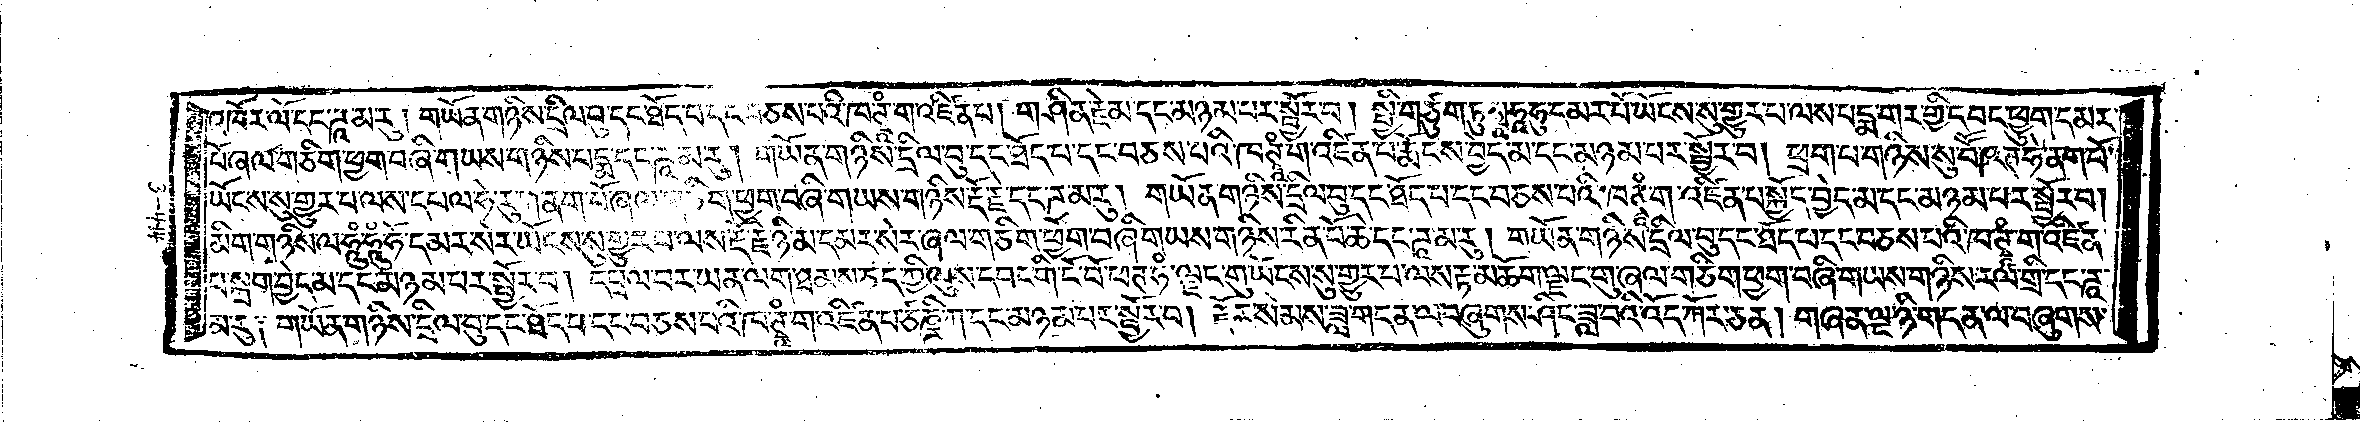འཁོར་ལོ་དང་ཌཱ་མ་རུ། གཡོན་གཉིས་དྲིལ་བུ་དང་ཐོད་པ་དང་བཅས་པའི་ཁ་ཊྭཱཾ་ག་འཛིན་པ། གཤིན་རྗེ་མ་དང་མཉམ་པར་སྦྱོར་བ། སྤྱི་གཙུག་ཏུ་སྭཱཧཱ་ཧུ་དམར་པོ་ཡོངས་སུ་གྱུར་པ་ལས་པདམ་གར་གྱི་དབང་ཕྱུག་དམར་
པོ་ཞལ་གཅིག་ཕྱག་བཞི་གཡས་གཉིས་པདམ་དང་ཌཱ་མ་རུ། གཡོན་གཉིས་དྲིལ་བུ་དང་ཐོད་པ་དང་བཅས་པའི་ཁཊྭཱཾ་ག་འཛིན་པ་རྨོངས་བྱེད་མ་དང་མཉམ་པར་སྦྱོར་བ། ཕྲག་པ་གཉིས་སུ་བཽ་ཥཊ་ཧེ་ནག་པོ་
ཡོངས་སུ་གྱུར་པ་ལས་དཔལ་ཧེ་རུ་ཀ་ནག་པོ་ཞལ་གཅིག་ཕྱག་བཞི་གཡས་གཉིས་རྡོ་རྗེ་དང་ཌ་མ་རུ། གཡོན་གཉིས་དྲིལ་བུ་དང་ཐོད་པ་དང་བཅས་པའི་ཁཊྭཱཾ་ག་འཛིན་པ་སྐྱོད་བྱེད་མ་དང་མཉམ་པར་སྦྱོར་བ།
མིག་གཉིས་ལ་ཧཱུཾ་ཧཱུཾ་ཧོ་དམར་སེར་ཡོངས་སུ་གྱུར་པ་ལས་རྡོ་རྗེ་ཉི་མ་དམར་སེར་ཞལ་གཅིག་ཕྱོག་བཞི་གཡས་གཉིས་རིན་པོ་ཆེ་དང་ཌཱ་མ་རུ། གཡོན་གཉིས་དྲིལ་བུ་དང་ཐོད་པ་དང་བཅས་པའི་ཁ་ཊྭཱཾ་ག་འཛིན་
བ་སྐྲག་བྱེད་མ་དང་མཉམ་པར་སྦྱོར་བ། དཔྲལ་བར་ཡན་ལག་ཐམས་ཅད་ཀྱི་ལུས་དབང་གི་ངོ་བོ་ཕཊ་ཧཾ་ལྗང་གུ་ཡོངས་སུ་གྱུར་པ་ལས་རྟ་མཆོག་ལྗང་གུ་ཞལ་གཅིག་ཕྱག་བཞི་གཡས་གཉིས་རལ་གྲི་དང་ཌཱ་
མ་རུ༑ གཡོན་གཉིས་དྲིལ་བུ་དང་ཐོད་པ་དང་བཅས་པའི་ཁ་ཊྭཱཾ་ག་འཛིན་པ་ཙཎྜི་ཀ་དང་མཉམ་པར་སྦྱོར་བ། རྡོར་སེམས་ཟླ་གདན་ལ་བཞུགས་ཤིང་ཟླ་བའི་འོད་ཀོར་ཅན། གཞན་ལྔ་ཉི་གདན་ལ་བཞུགས་